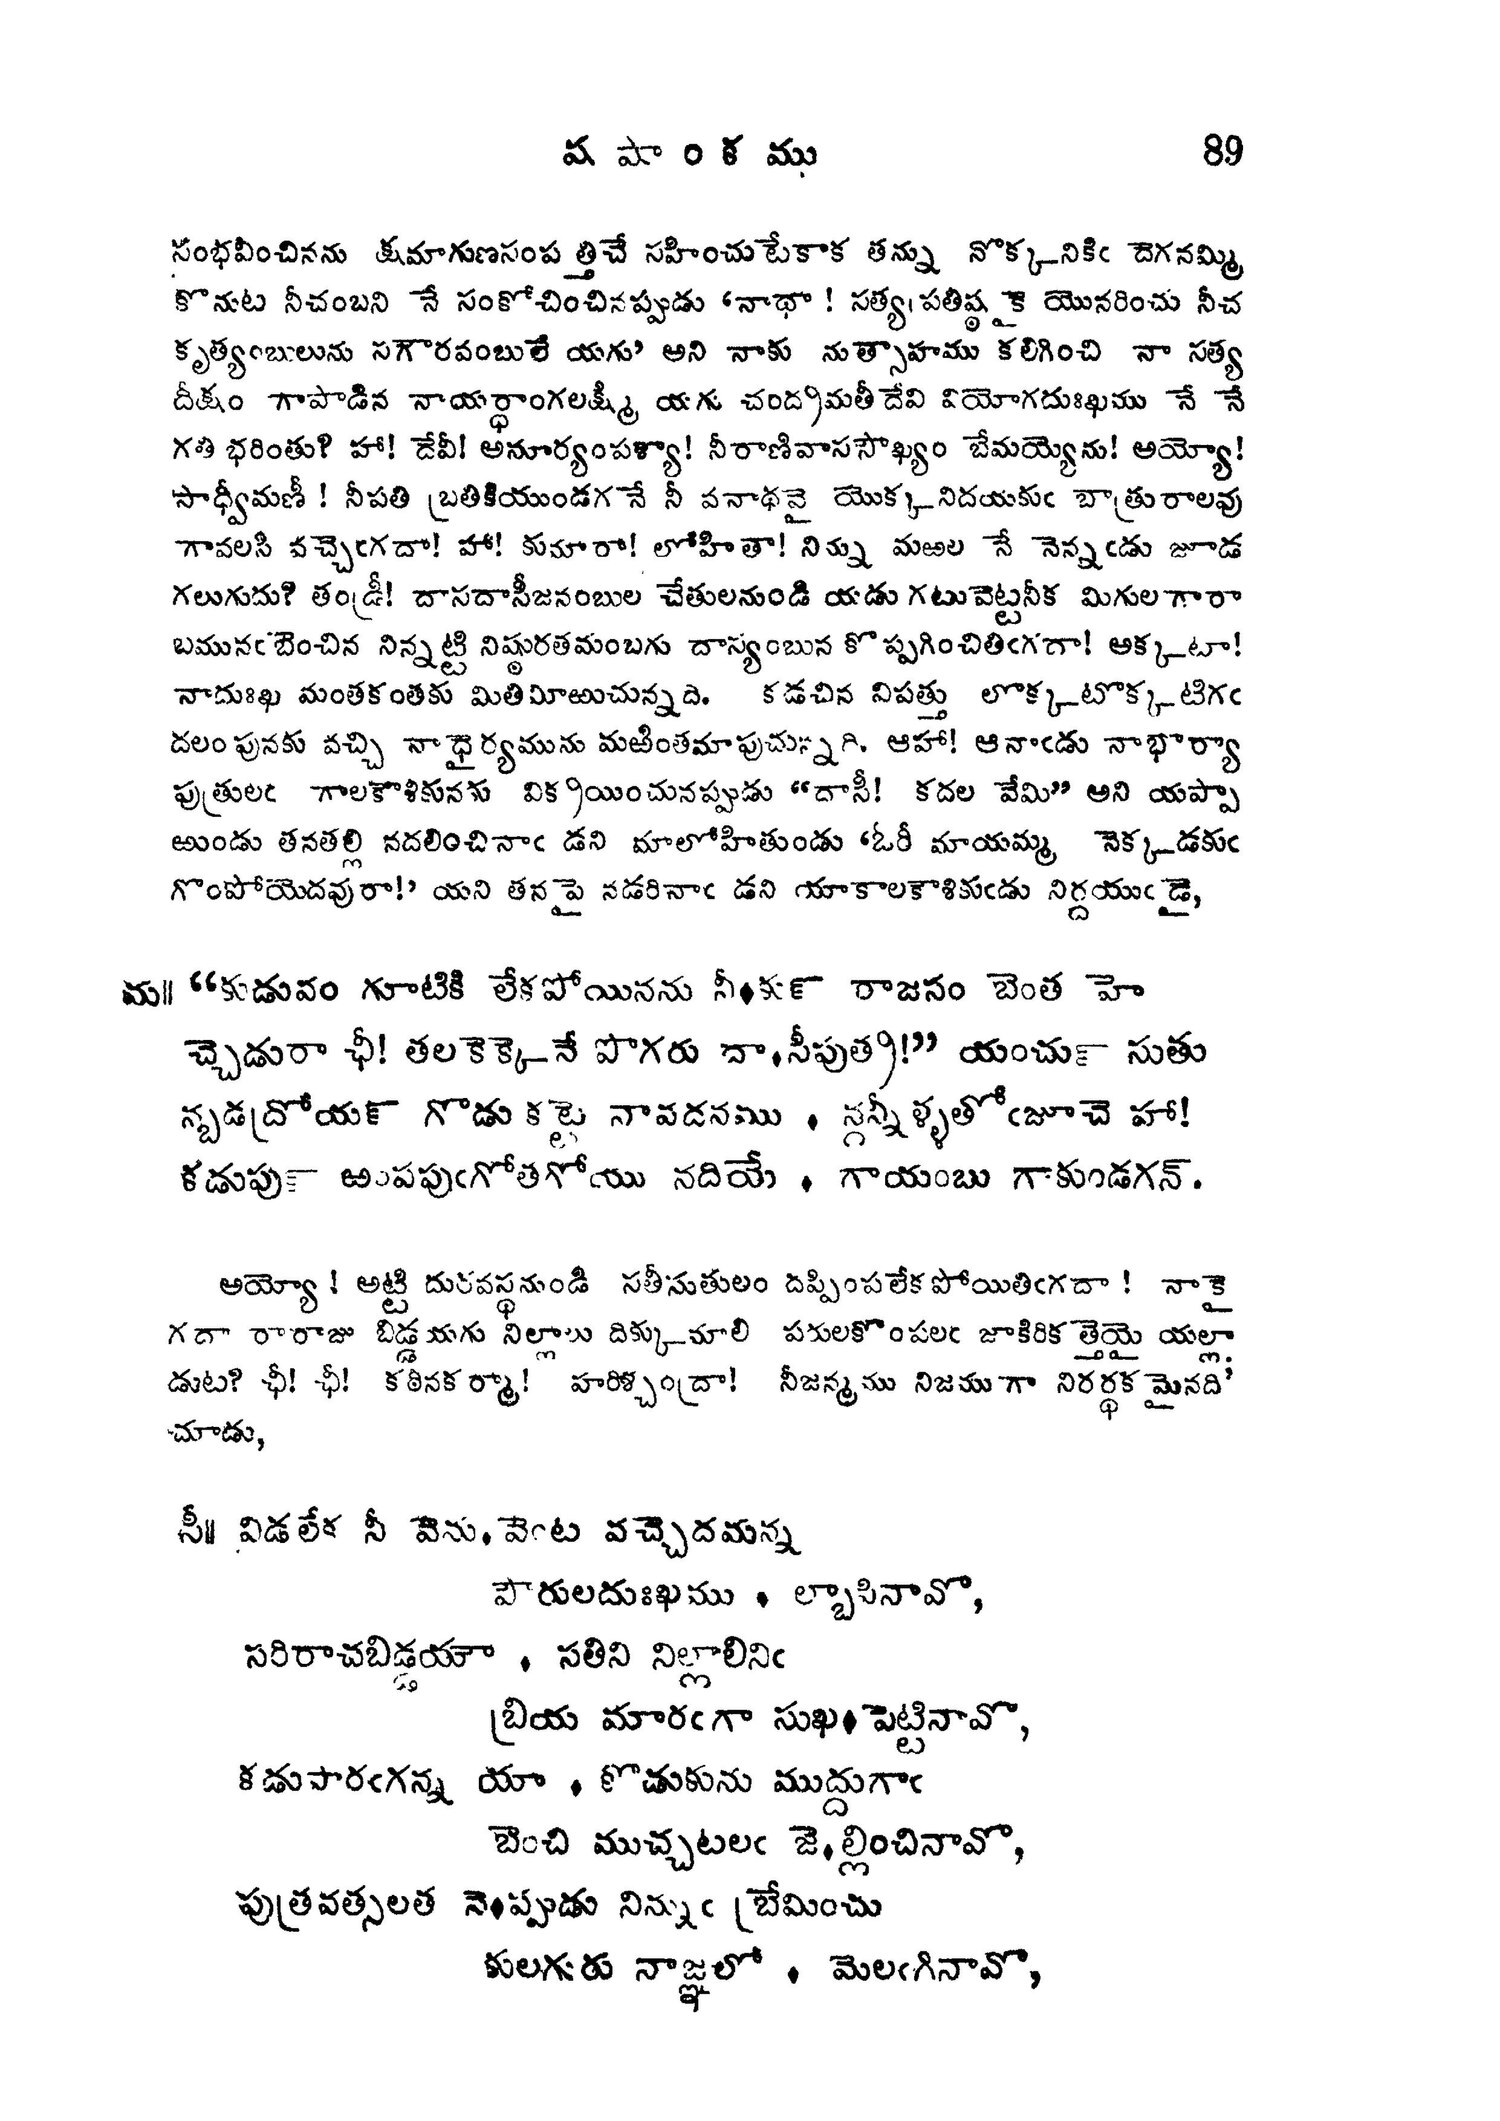సంభవించినను క్షమాగుణ సంపత్తిచే సహించుటే కాక తన్ను నొక్కనికిం దెగనమ్ముకొనుట నీచంబని నే సంకోచించునప్పుడు "నాథా! సత్యప్రతిష్ఠకై యొనర్చు నీచ కృత్యంబులు సగౌరవములే యగు" నని నాకు నుత్సాహము కలిగించి నా సత్యదీక్షం గాపాడిన నా యర్థాంగ లక్ష్మి యగు చంద్రమతీ దేవి వియోగదుఃఖము నేనే గతి భరింతు? హా దేవీ! అసూర్యంపశ్యా! నీ రాణివాస సౌఖ్యం బేమయ్యెను? అయ్యో! సాధ్వీమణీ! నీ పతి బ్రతికుండగనే నీవనాథవై యొక్కని దయకుం బాత్రురాలవు గావలసివచ్చె గదా! హా కుమారా! లోహితా! నిన్ను మరల నేనెన్నఁడు జూడఁ గలుగుదు? తండ్రీ! దాసదాసీ జనంబుల చేతులనుండి యడుగటు వెట్టనీక మిగుల గారాబమునఁ బెంచిన నిన్నిట్టి నిష్ఠురతమంబగు దాస్యంబున కొప్పగించితి కదా! అక్కటా! నాదుఃఖమంత కంతకు మితిమీరుచున్నది. కడచిన విపత్తు లొక్కటొక్కటిగఁ దలంపునకు వచ్చి నా ధైర్యమును మరింత మాపుచున్నది. ఆహా! ఆనాఁడు భార్యాపుత్రులం గాలకౌశికునకు విక్రయించునప్పుడు "దాసీ! కదలవేమి!" అని యప్పాఱుడు తన తల్లి నడలించినాఁడని మా లోహితుఁడు "ఓరీ! మా యమ్మ నెక్కడకుగొని గొనిపోయెదవురా!" యని తనపై నదరినాఁడని యా కాలకౌశకుఁడు నిర్దయుడై,

మ. 	"కుడవం గూటికి లేకపోయినను నీకున్‌ రాజసంబెంత హె
చ్చెడురా! ఛీ! తలకెక్కెనే పొగరు దాసీ పుత్ర" యంచున్‌ సుతున్‌
పడద్రోయన్‌ గొడుకట్టె నా వదనమున్గన్నీళ్ళతో జూచె హా!
కడుపున్‌ ఱంపపుఁ గోఁతఁగోయునదియే గాయంబు గాకుండఁగన్‌.

అయ్యో! అట్టి దురవస్థనుండి సతీసుతులం దప్పింపలేక పోయితిగదా! నాకై గదా, రారాజు బిడ్డయగు నిల్లాలు దిక్కుమాలి పరులకొంపలఁ జాకిరికత్తెయై యల్లాడుట, ఛీ! ఛీ! కఠినాత్మా, హరిశ్చంద్రా! నీ జన్మము నిజముగా నిరర్థకమైనది. చూడు,

సీ. 	విడలేక నీ వెనువెంట వచ్చెదనన్న
 పౌరుల దుఃఖముల్బాసినావో
సరిరాచబిడ్డయౌ సతిని నిల్లాలిని
 బ్రియ మారంగా సుఖపెట్టినావో
గడుపారఁ గన్న యా గొడుకును ముద్దుగాఁ
 బెంచి ముచ్చటలఁ జెల్లించి నావొ
పుత్రవత్సలత నెప్పుడు నన్నుఁ బ్రేమించు
 కులగురు నాజ్ఞలో మెలఁగినావొ